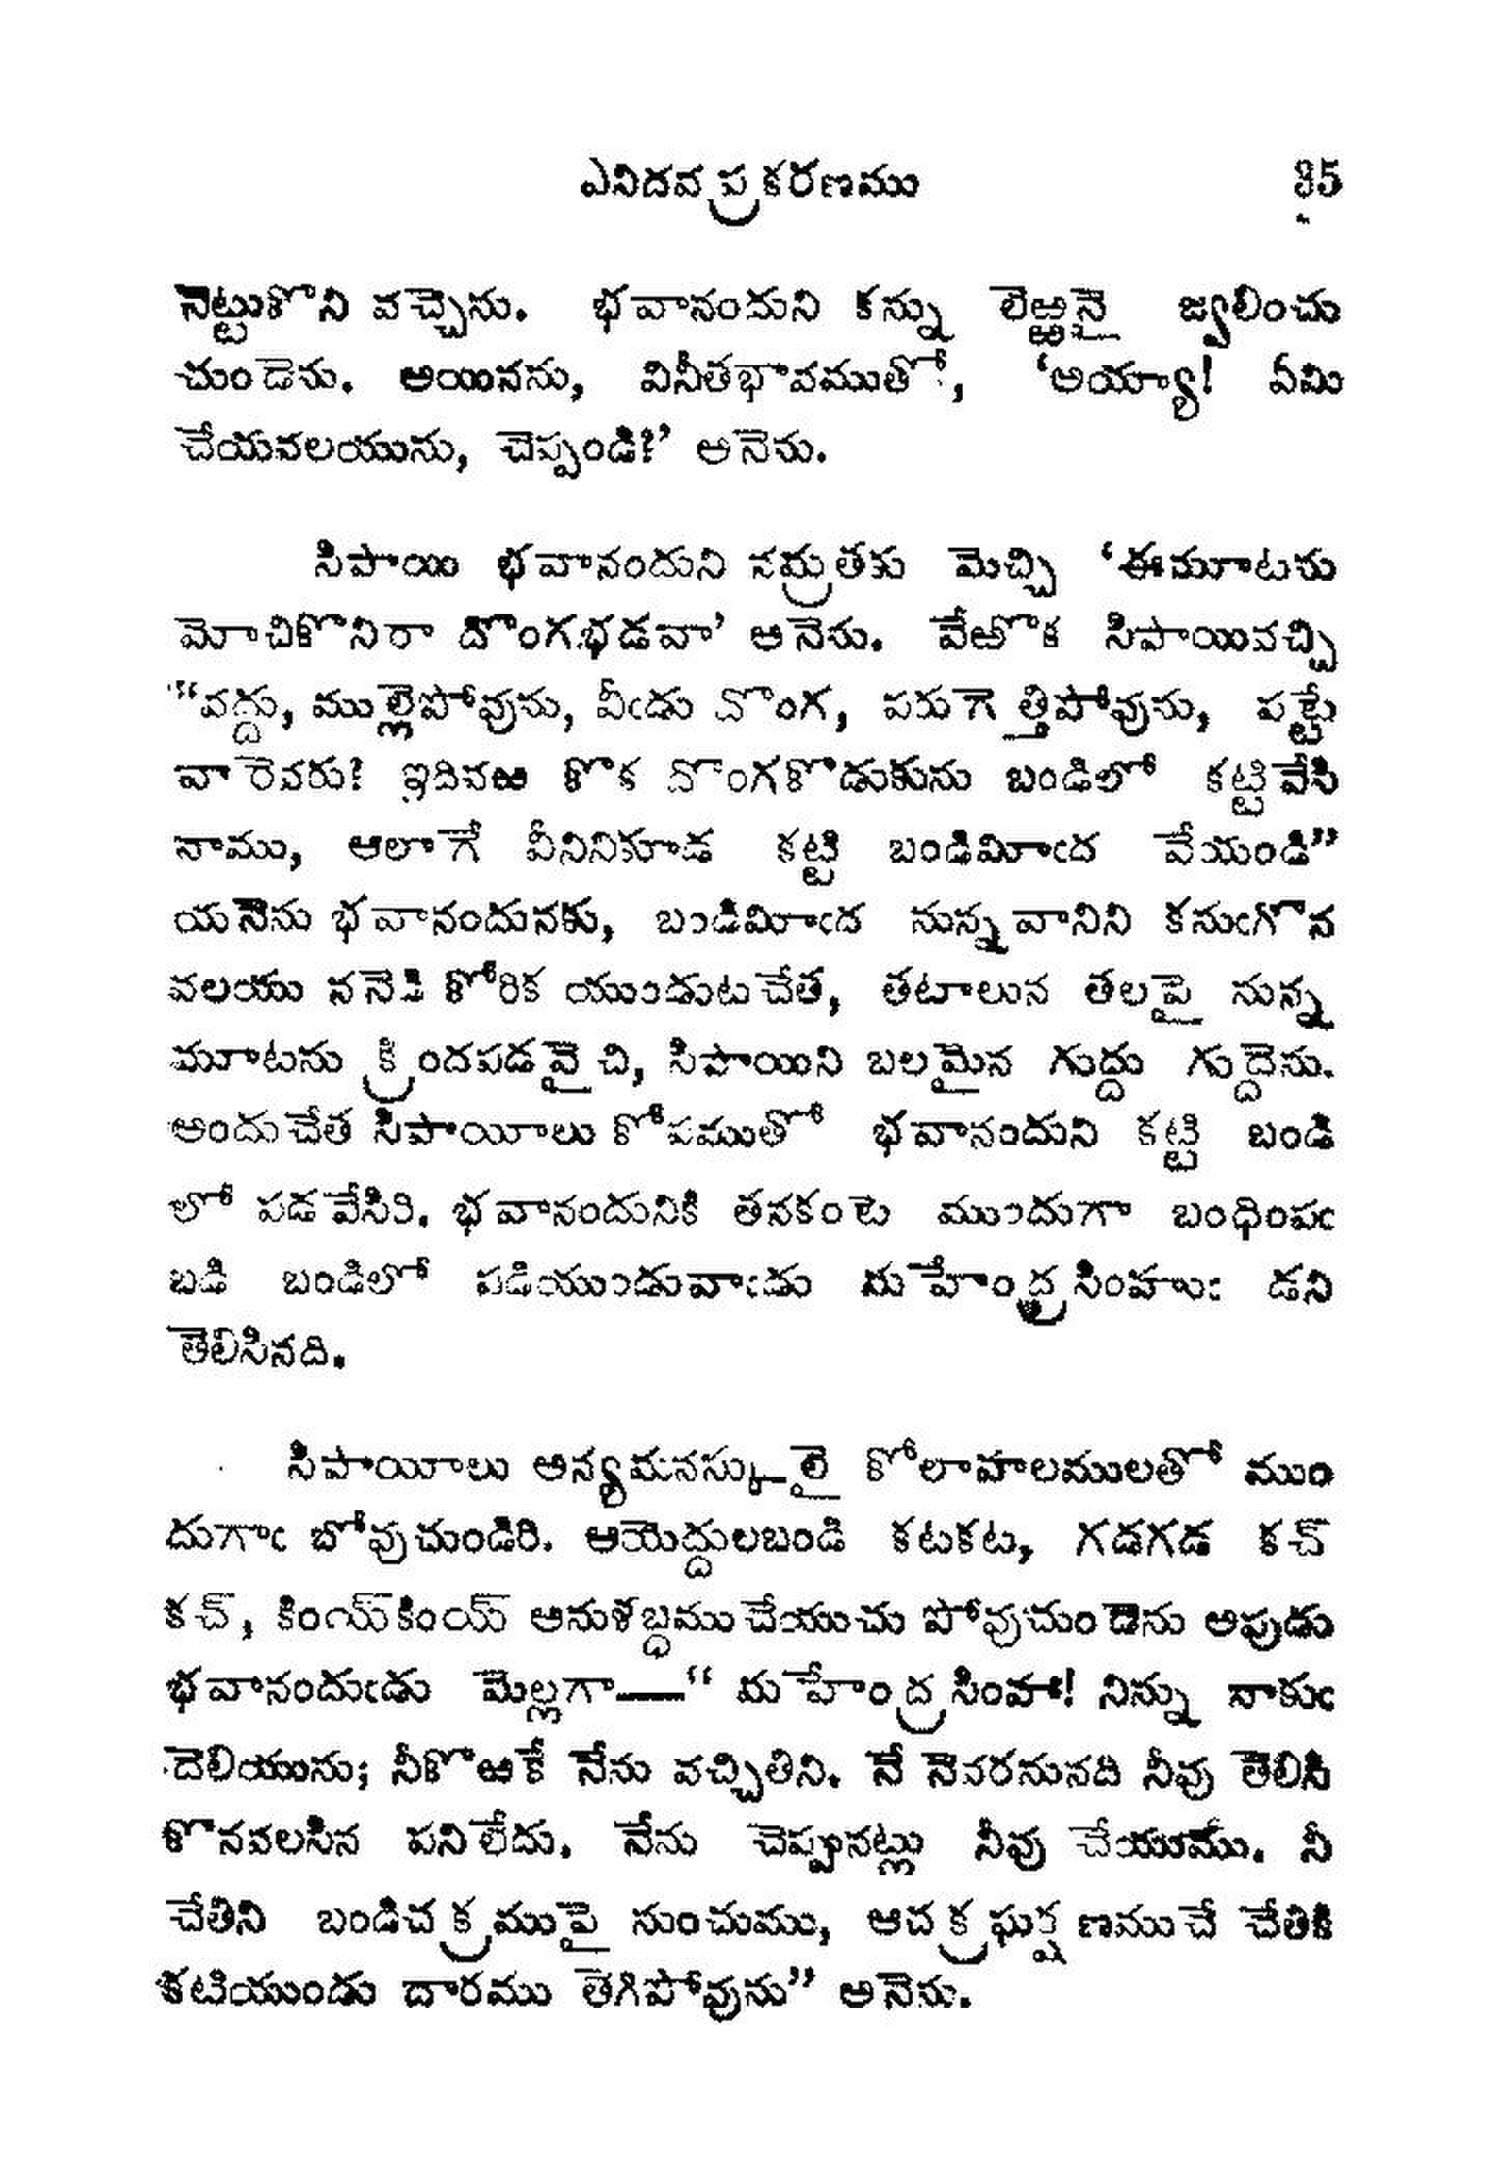నెట్టుకొని వచ్చెను. భవానందుని కన్ను లెఱ్ఱనై జ్వలించు చుండెను. అయినను, వినీత భావముతో, 'అయ్యా! ఏమి చేయవలయును, చెప్పండి!' అనెను.

సిపాయి భవానందుని సమ్రతకు మెచ్చి 'ఈమూటను మోచికొనీరా దొంగభడవా' అనెను. వేఱోక సిపాయివచ్చి “వద్దు, ముల్లె పోవును, వీఁడు దోంగ, పరుగెత్తిపోవును, పట్టే వారెవరు? ఇదివఱ కొక దొంగకొడుకును బండిలో కట్టి వేసినాము, ఆలాగే వీనినికూడ కట్టి బండిమీద వేయండి” యనెను భవానందునకు, బండిమీఁద నున్న వానిని కనుఁగొనవలయు ననెడి కోరిక యుండుట చేత, తటాలున తలపై నున్న
మూటను క్రిందపడవైచి, సిపాయిని బలమైన గుద్దు గుద్దెను. అందుచేత సిపాయీలు కోపముతో భవానందుని కట్టి బండిలో పడవేసిరి. భవానందునికి తనకంటే ముందుగా బంధింపఁబడి బండిలో పడియుండువాఁడు మహేంద్ర సింహు: డని తెలిసినది.

సిపాయీలు అన్యమనస్కులై కోలాహలములతో ముందుగాఁ బోవు చుండిరి. ఆయెద్దులబండి కటకట, గడగడ కచ్కచ్, కింయ్ కింయ్ ఆనుశబ్ధము చేయుచు పోవుచుండెను అపుడు భవానందుఁడు మెల్లగా —— " మహేంద్ర సింహా! నిన్ను నాకుఁ దెలియును; నీకోఱకే నేను వచ్చితిని. నే నెవరనునది నీవు తెలిసి కొనవలసిన పని లేదు. నేను చెప్పునట్లు నీవు చేయుము. నీ చేతిని బండిచక్రముపై నుంచుము, ఆచక్ర ఘర్షణముచే చేతికి కటియుండు దారము తెగిపోవును” అనెను.